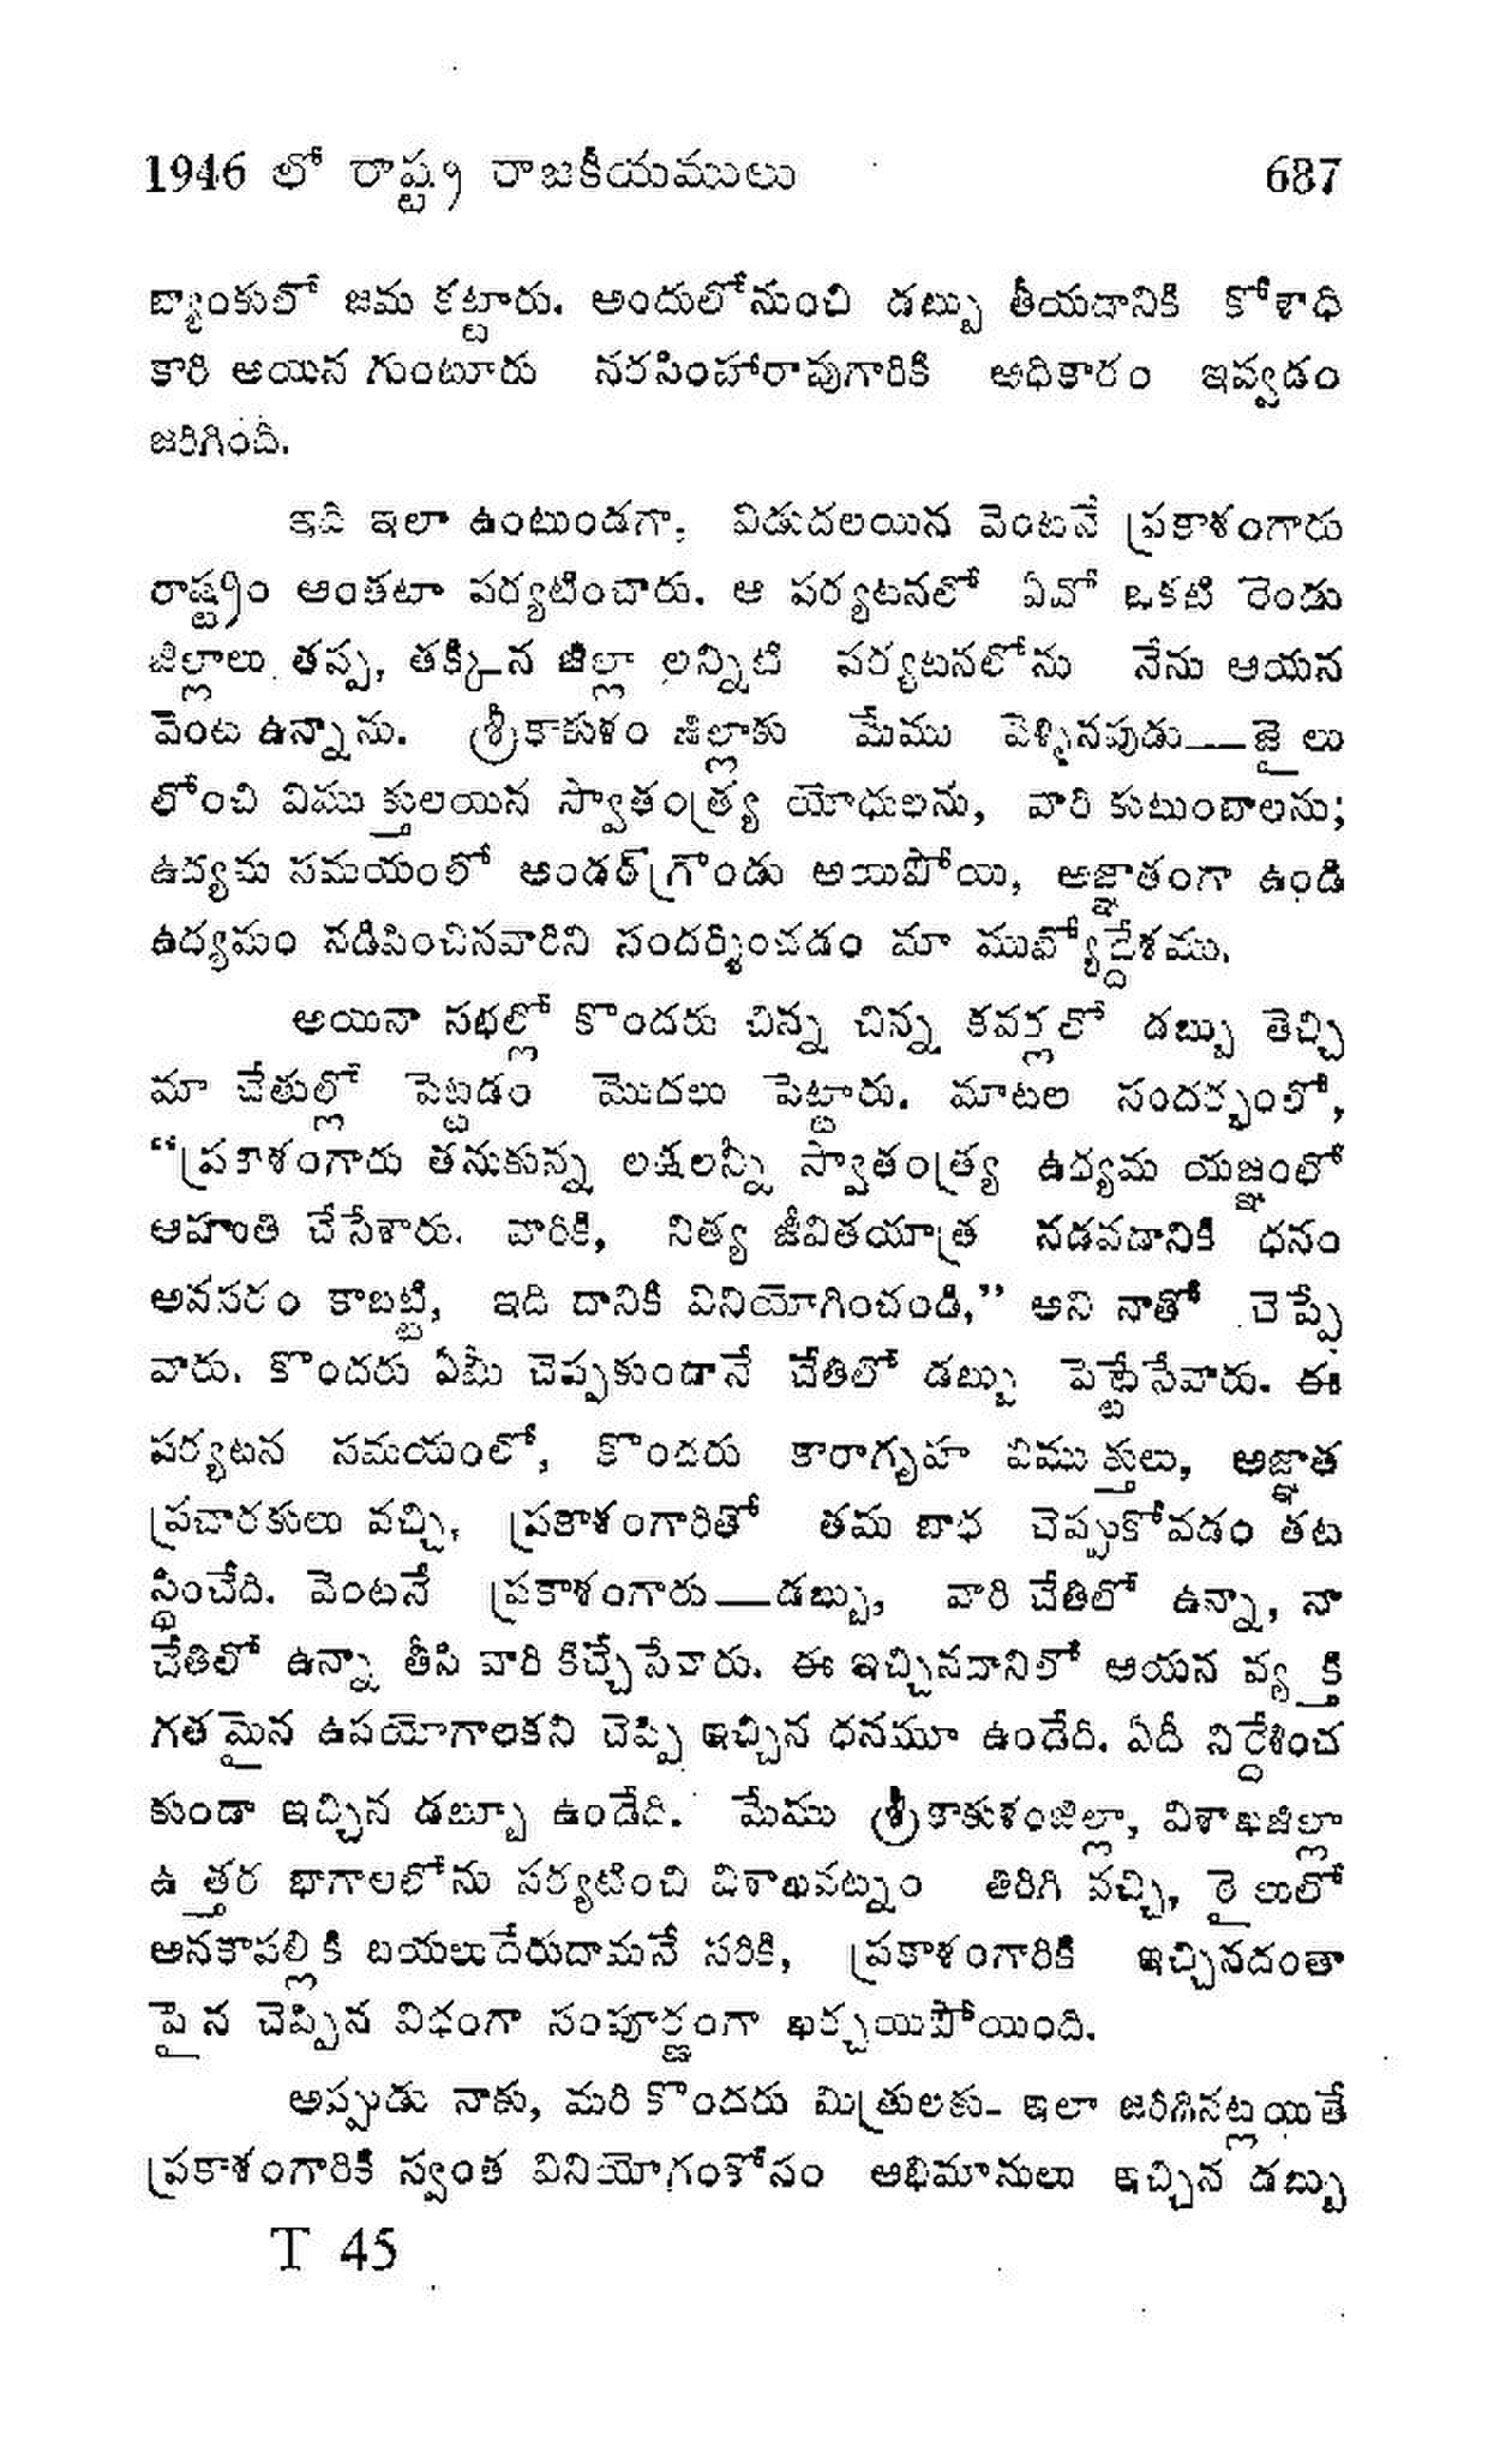బ్యాంకులో జమ కట్టారు. అందులోనుంచి డబ్బు తీయడానికి కోశాధికారి అయిన గుంటూరు నరసింహారావుగారికి అధికారం ఇవ్వడం జరిగింది.

ఇది ఇలా ఉంటుండగా, విడుదలయిన వెంటనే ప్రకాశంగారు రాష్ట్రం అంతటా పర్యటించారు. ఆ పర్యటనలో ఏవో ఒకటి రెండు జిల్లాలు తప్ప, తక్కిన జిల్లా లన్నిటి పర్యటనలోను నేను ఆయనవెంట ఉన్నాను. శ్రీకాకుళం జిల్లాకు మేము వెళ్ళినపుడు - జైలులోంచి విముక్తు లయిన స్వాతంత్ర్య యోధులను, వారి కుటుంబాలను; ఉద్యమ సమయంలో అండర్‌ గ్రౌండు అయిపోయి, అజ్ఞాతంగా ఉండి ఉద్యమం నడిపించిన వారిని సందర్శించడం మా ముఖ్యోద్దేశము.

అయినా సభల్లో కొందరు చిన్న చిన్న కవర్లలో డబ్బు తెచ్చి మా చేతుల్లో పెట్టడం మొదలు పెట్టారు. మాటల సందర్భంలో, "ప్రకాశంగారు తనుకున్న లక్షలన్నీ స్వాతంత్ర్య ఉద్యమ యజ్ఞంలో ఆహుతి చేసేశారు. వారికి, నిత్య జీవితయాత్ర నడపడానికి ధనం అవసరం కాబట్టి, ఇది దానికి వినియోగించండి," అని నాతో చెప్పేవారు. కొందరు ఏమీ చెప్పకుండానే చేతిలో డబ్బు పెట్టేసేవారు. ఈ పర్యటన సమయంలో, కొందరు కారాగృహ విముక్తులు, అజ్ఞాత ప్రచారకులు వచ్చి, ప్రకాశంగారితో తమ బాధ చెప్పుకోవడం తటస్థించేది. వెంటనే ప్రకాశంగారితో - డబ్బు, వారి చేతిలో ఉన్నా, నా చేతిలో ఉన్నా తీసి వారి కిచ్చేసేవారు. ఈ ఇచ్చినదానిలో ఆయన వ్యక్తిగతమైన ఉపయోగాలకని చెప్పి ఇచ్చిన ధనమూ ఉండేది. ఏదీ నిర్దేశించకుండా ఇచ్చిన డబ్బూ ఉండేది. మేము శ్రీకాకుళంజిల్లా, విశాఖాజిల్లా ఉత్తర భాగాలలోను పర్యటించి విశాఖపట్నం తిరిగి వచ్చి, రైలులో అనకాపల్లికి బయలుదేరుదామనే సరికి, ప్రకాశంగారికి ఇచ్చినదంతా పైన చెప్పిన విధంగా సంపూర్ణంగా ఖర్చయిపోయింది. 

అప్పుడు నాకు, మరి కొందరు మిత్రులకు - ఇలా జరిగినట్లయితే ప్రకాశంగారికి స్వంత వినియోగంకోసం అభిమానులు ఇచ్చిన డబ్బు